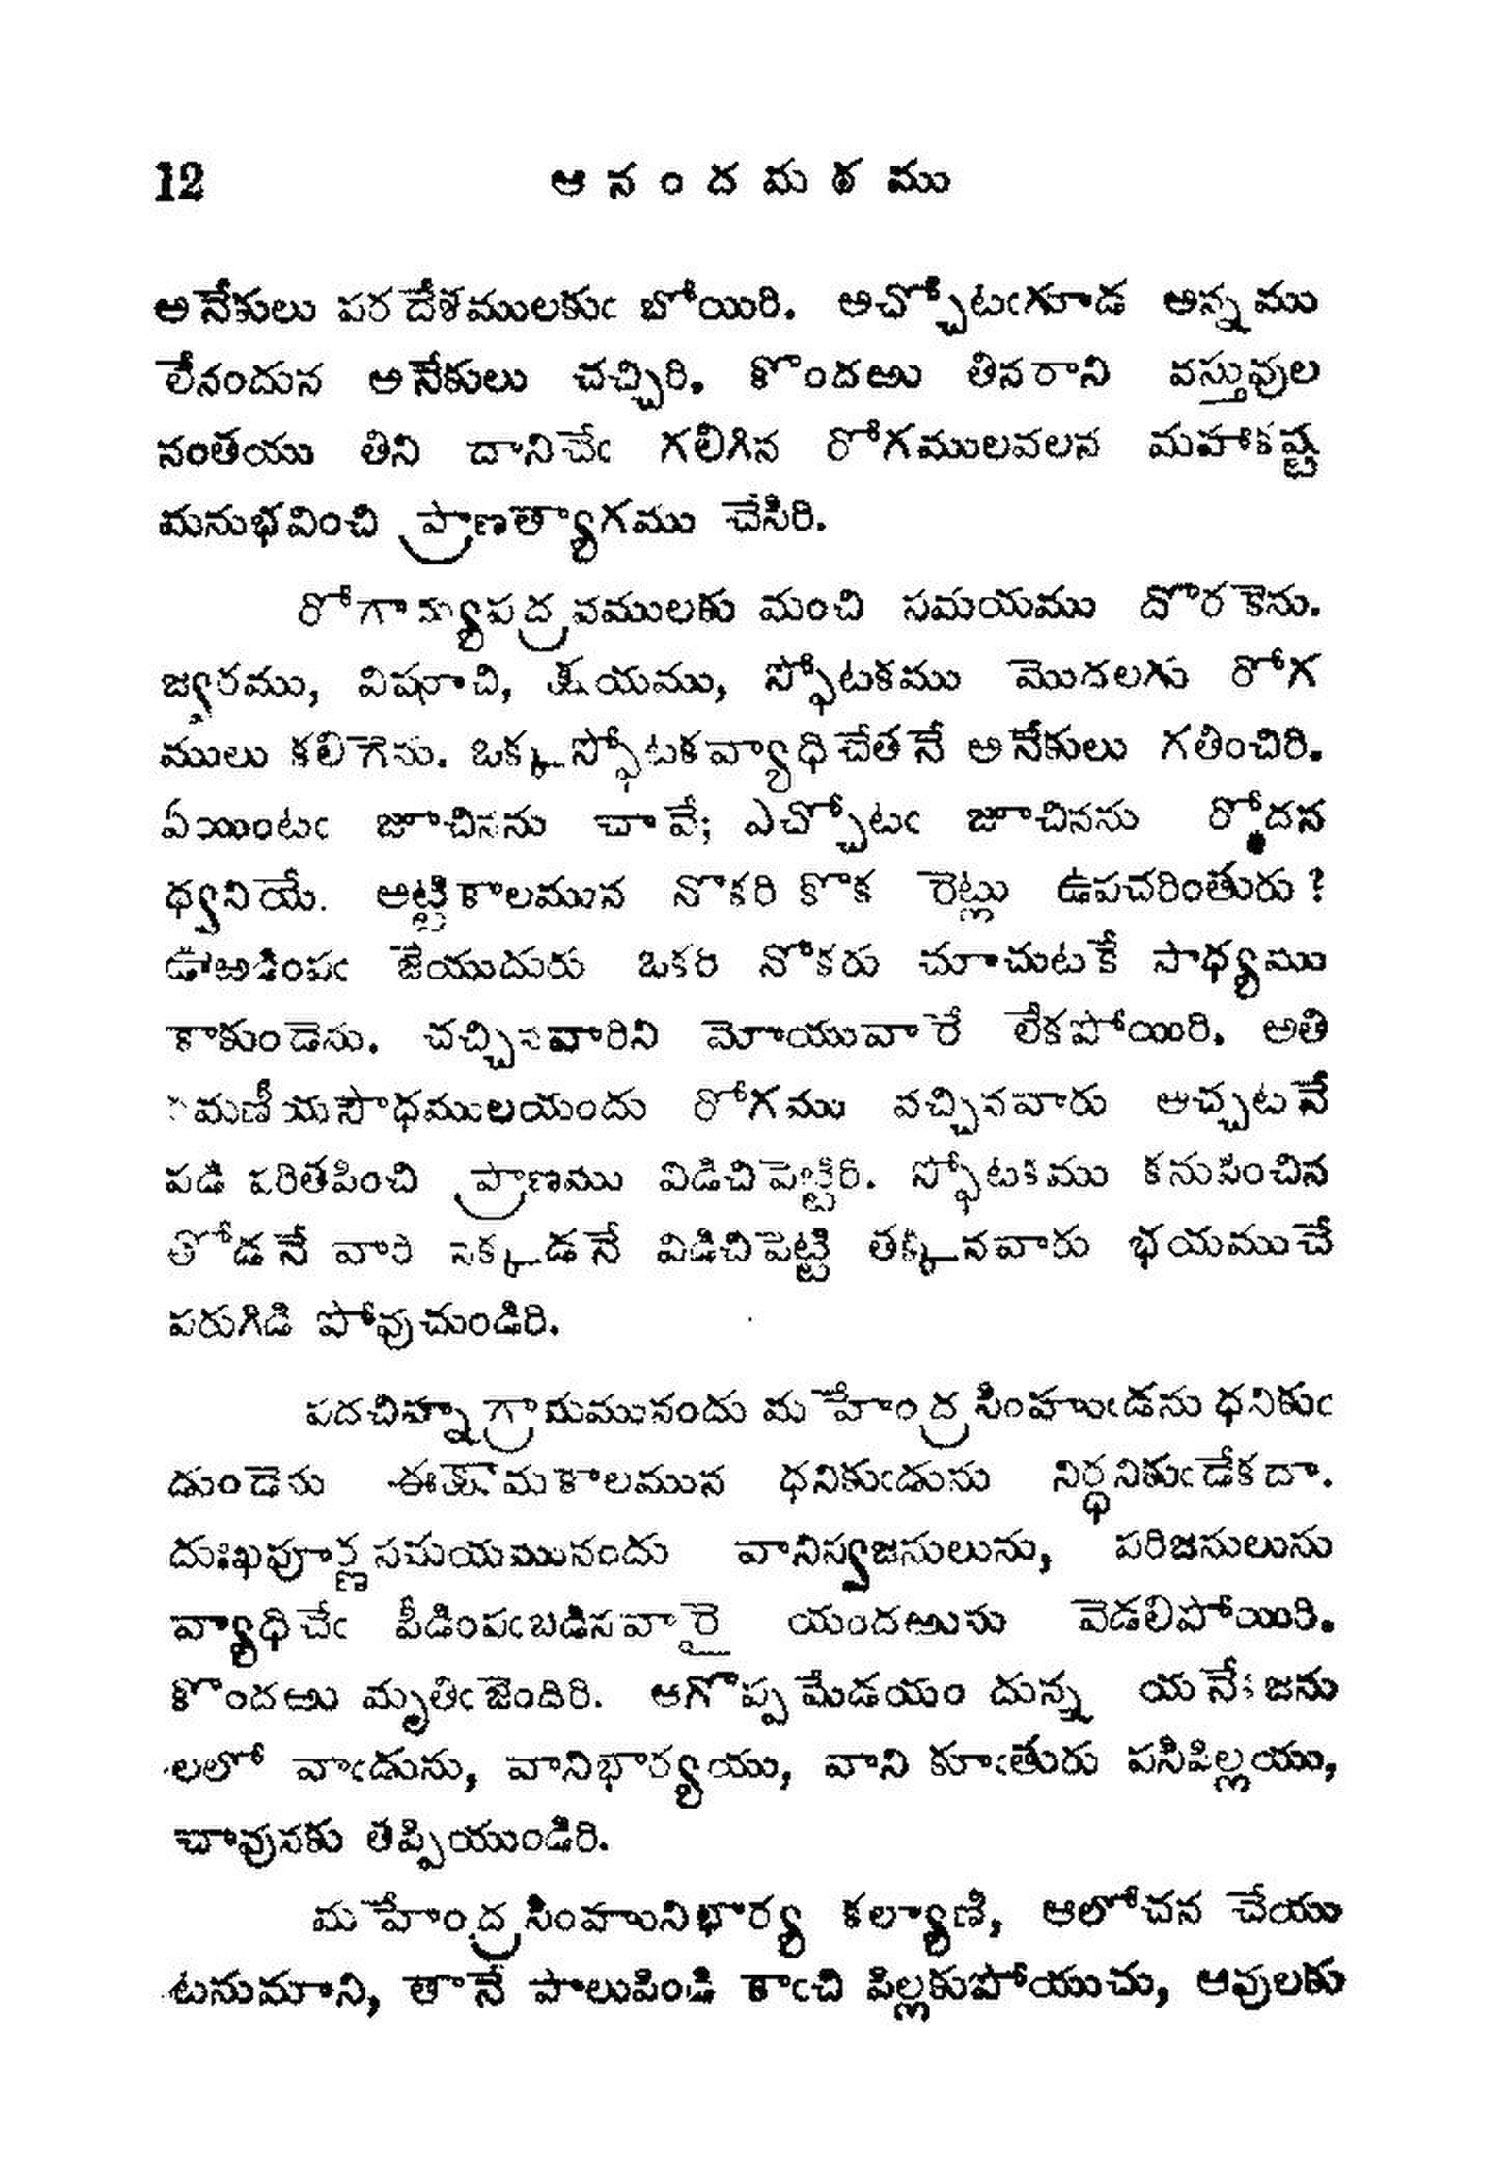అనేకులు పరదేశములకుఁ బోయిరి. అచ్చోటఁగూడ అన్నము లేనందున అనేకులు చచ్చిరి, కొందఱు తినరాని వస్తువుల నంతయు తిని దానిచేఁ గలిగిన రోగములవలన మహాకష్టమనుభవించి ప్రాణత్యాగము చేసిరి.

రోగాద్యుపద్రవములకు మంచి సమయము దొరకెను. జ్వరము, విషూచి, క్షయము, స్ఫోటకము మొదలగు రోగములు కలిగెను. ఒక్కస్ఫోటక వ్యాధి చేతనే అనేకులు గతించిరి. ఏయింటఁ జూచినను చావే; ఎచ్చోటఁ జూచినను రోదన ధ్వనియే. అట్టి కాలమున నొకరి కొక రెట్లు ఉపచరింతురు? ఊఱడింపఁ జేయుదురు ఒకరినొకరు చూచుటకే సాధ్యము కాకుండెను. చచ్చి వారిని మోయువారే లేకపోయిరి. అతి
రమణీయసౌధములయందు రోగము వచ్చినవారు అచ్చటనే పడి పరితపించి ప్రాణము విడిచిపెట్టిరి. స్ఫోటకము కనుపించిన తోడనే వారి నక్కడనే విడిచి పెట్టి తక్కినవారు భయముచే పరుగిడి పోవుచుండిరి.

పదచిహ్న గ్రామమునందు మహేంద్ర సింహుఁడను ధనికుఁడుండెను. ఈ క్షామ కాలమున ధనికుఁడును నిర్ధనికుఁడేకదా. దుఃఖపూర్ణ సమయమునందు వానిస్వజనులును, పరిజనులును వ్యాధిచేఁ పీడింపఁబడిన వారై యందఱును వెడలిపోయిరి. కొందఱు మృతిఁ జెందిరి. ఆగొప్ప మేడయందున్న యనేకజనులలో వాఁడును, వాని భార్యయు, వాని కూఁతురు పసిపిల్లయు, చావునకు తప్పియుండిరి.

మహేంద్ర సింహుని భార్య కల్యాణి, ఆలోచన చేయుటనుమాని, తానే పాలుపిండి కాఁచి పిల్లకుపోయుచు, ఆవులకు